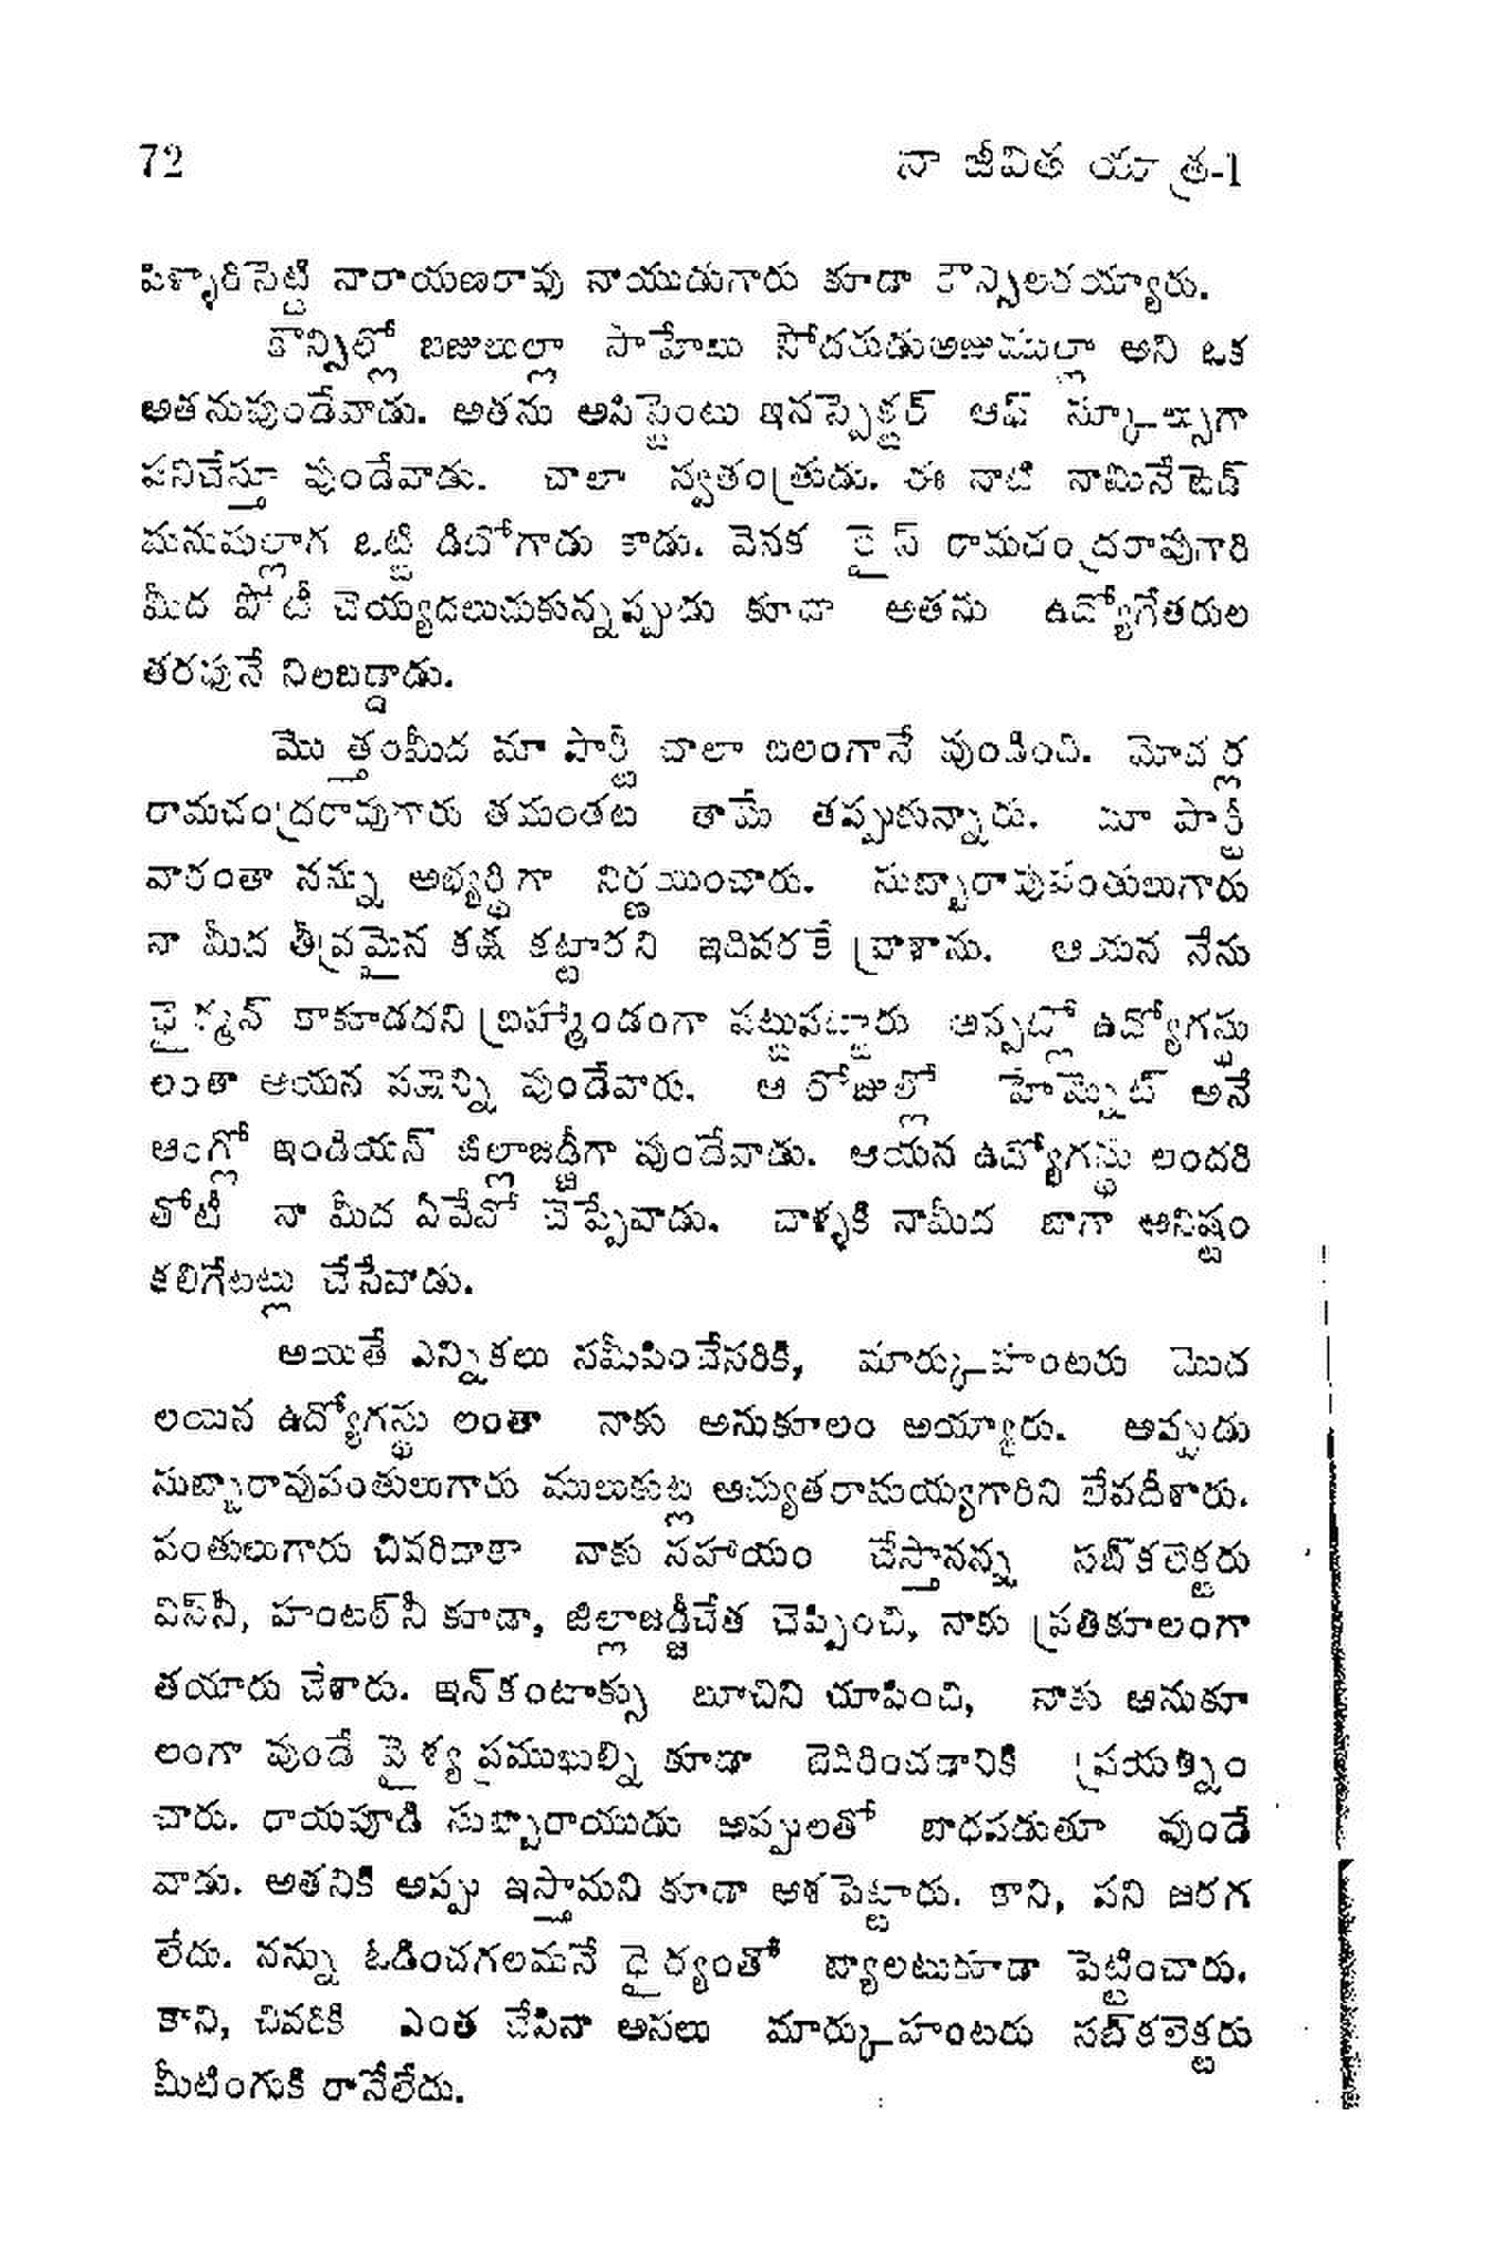పిళ్ళారిసెట్టి నారాయణరావు నాయుడుగారు కూడా కౌన్సిలరయ్యారు.

కౌన్సిల్లో బజులుల్లా సాహేబు సోదరుడు అజుముల్లా అని ఒక అతనువుండేవాడు. అతను అసిస్టెంటు ఇనస్పెక్టర్ ఆఫ్ స్కూల్సుగా పనిచేస్తూ వుండేవాడు. చాలా స్వతంత్రుడు. ఈ నాటి నామినేటడ్ మనుషుల్లాగ ఒట్టి డిటోగాడు కాడు. వెనక రైస్ రామచంద్రరావుగారిమీద పోటీ చెయ్యదలుచుకున్నప్పుడు కూడా అతను ఉద్యోగేతరుల తరపునే నిలబడ్డాడు.

మొత్తంమీద మా పార్టీ చాలా బలంగానే వుండింది. మోచర్ల రామచంద్రరావుగారు తమంతట తామే తప్పుకున్నారు. మా పార్టీ వారంతా నన్ను అభ్యర్థిగా నిర్ణయించారు. సుబ్బారావుపంతులుగారు నా మీద తీవ్రమైన కక్ష కట్టారని ఇదివరకే వ్రాశాను. ఆయన నేను ఛైర్మన్ కాకూడదని బ్రహ్మాండంగా పట్టుపట్టారు. అప్పట్లో ఉద్యోగస్థులంతా ఆయన పక్షాన్ని వుండేవారు. ఆ రోజుల్లో హెమ్నెట్ అనే ఆంగ్లో ఇండియన్ జిల్లాజడ్జీగా వుండేవాడు. ఆయన ఉద్యోగస్థు లందరితోటి నా మీద ఏవేవో చెప్పేవాడు. వాళ్ళకి నామీద బాగా అనిష్టం కలిగేటట్లు చేసేవాడు.

అయితే ఎన్నికలు సమీపించేసరికి, మార్కుహంటరు మొదలయిన ఉద్యోగస్థు లంతా నాకు అనుకూలం అయ్యారు. అప్పుడు సుబ్బారావుపంతులుగారు ములుకుట్ల అచ్యుతరామయ్యగారిని లేవదీశారు. పంతులుగారు చివరిదాకా నాకు సహాయం చేస్తానన్న సబ్‌కలెక్టరు విస్‌నీ, హంటర్‌నీ కూడా, జిల్లాజడ్జీచేత చెప్పించి, నాకు ప్రతికూలంగా తయారు చేశారు. ఇన్‌కంటాక్సు బూచిని చూపించి, నాకు అనుకూలంగా వుండే వైశ్య ప్రముఖుల్ని కూడా బెదిరించడానికి ప్రయత్నించారు. రాయపూడి సుబ్బారాయుడు అప్పులతో బాధపడుతూ వుండేవాడు. అతనికి అప్పు ఇస్తామని కూడా ఆశపెట్టారు. కాని, పని జరగలేదు. నన్ను ఓడించగలమనే ధైర్యంతో బ్యాలటుకూడా పెట్టించారు. కాని, చివరికి ఎంత చేసినా అసలు మార్కుహంటరు సబ్‌కలెక్టరు మీటింగుకి రానేలేదు.